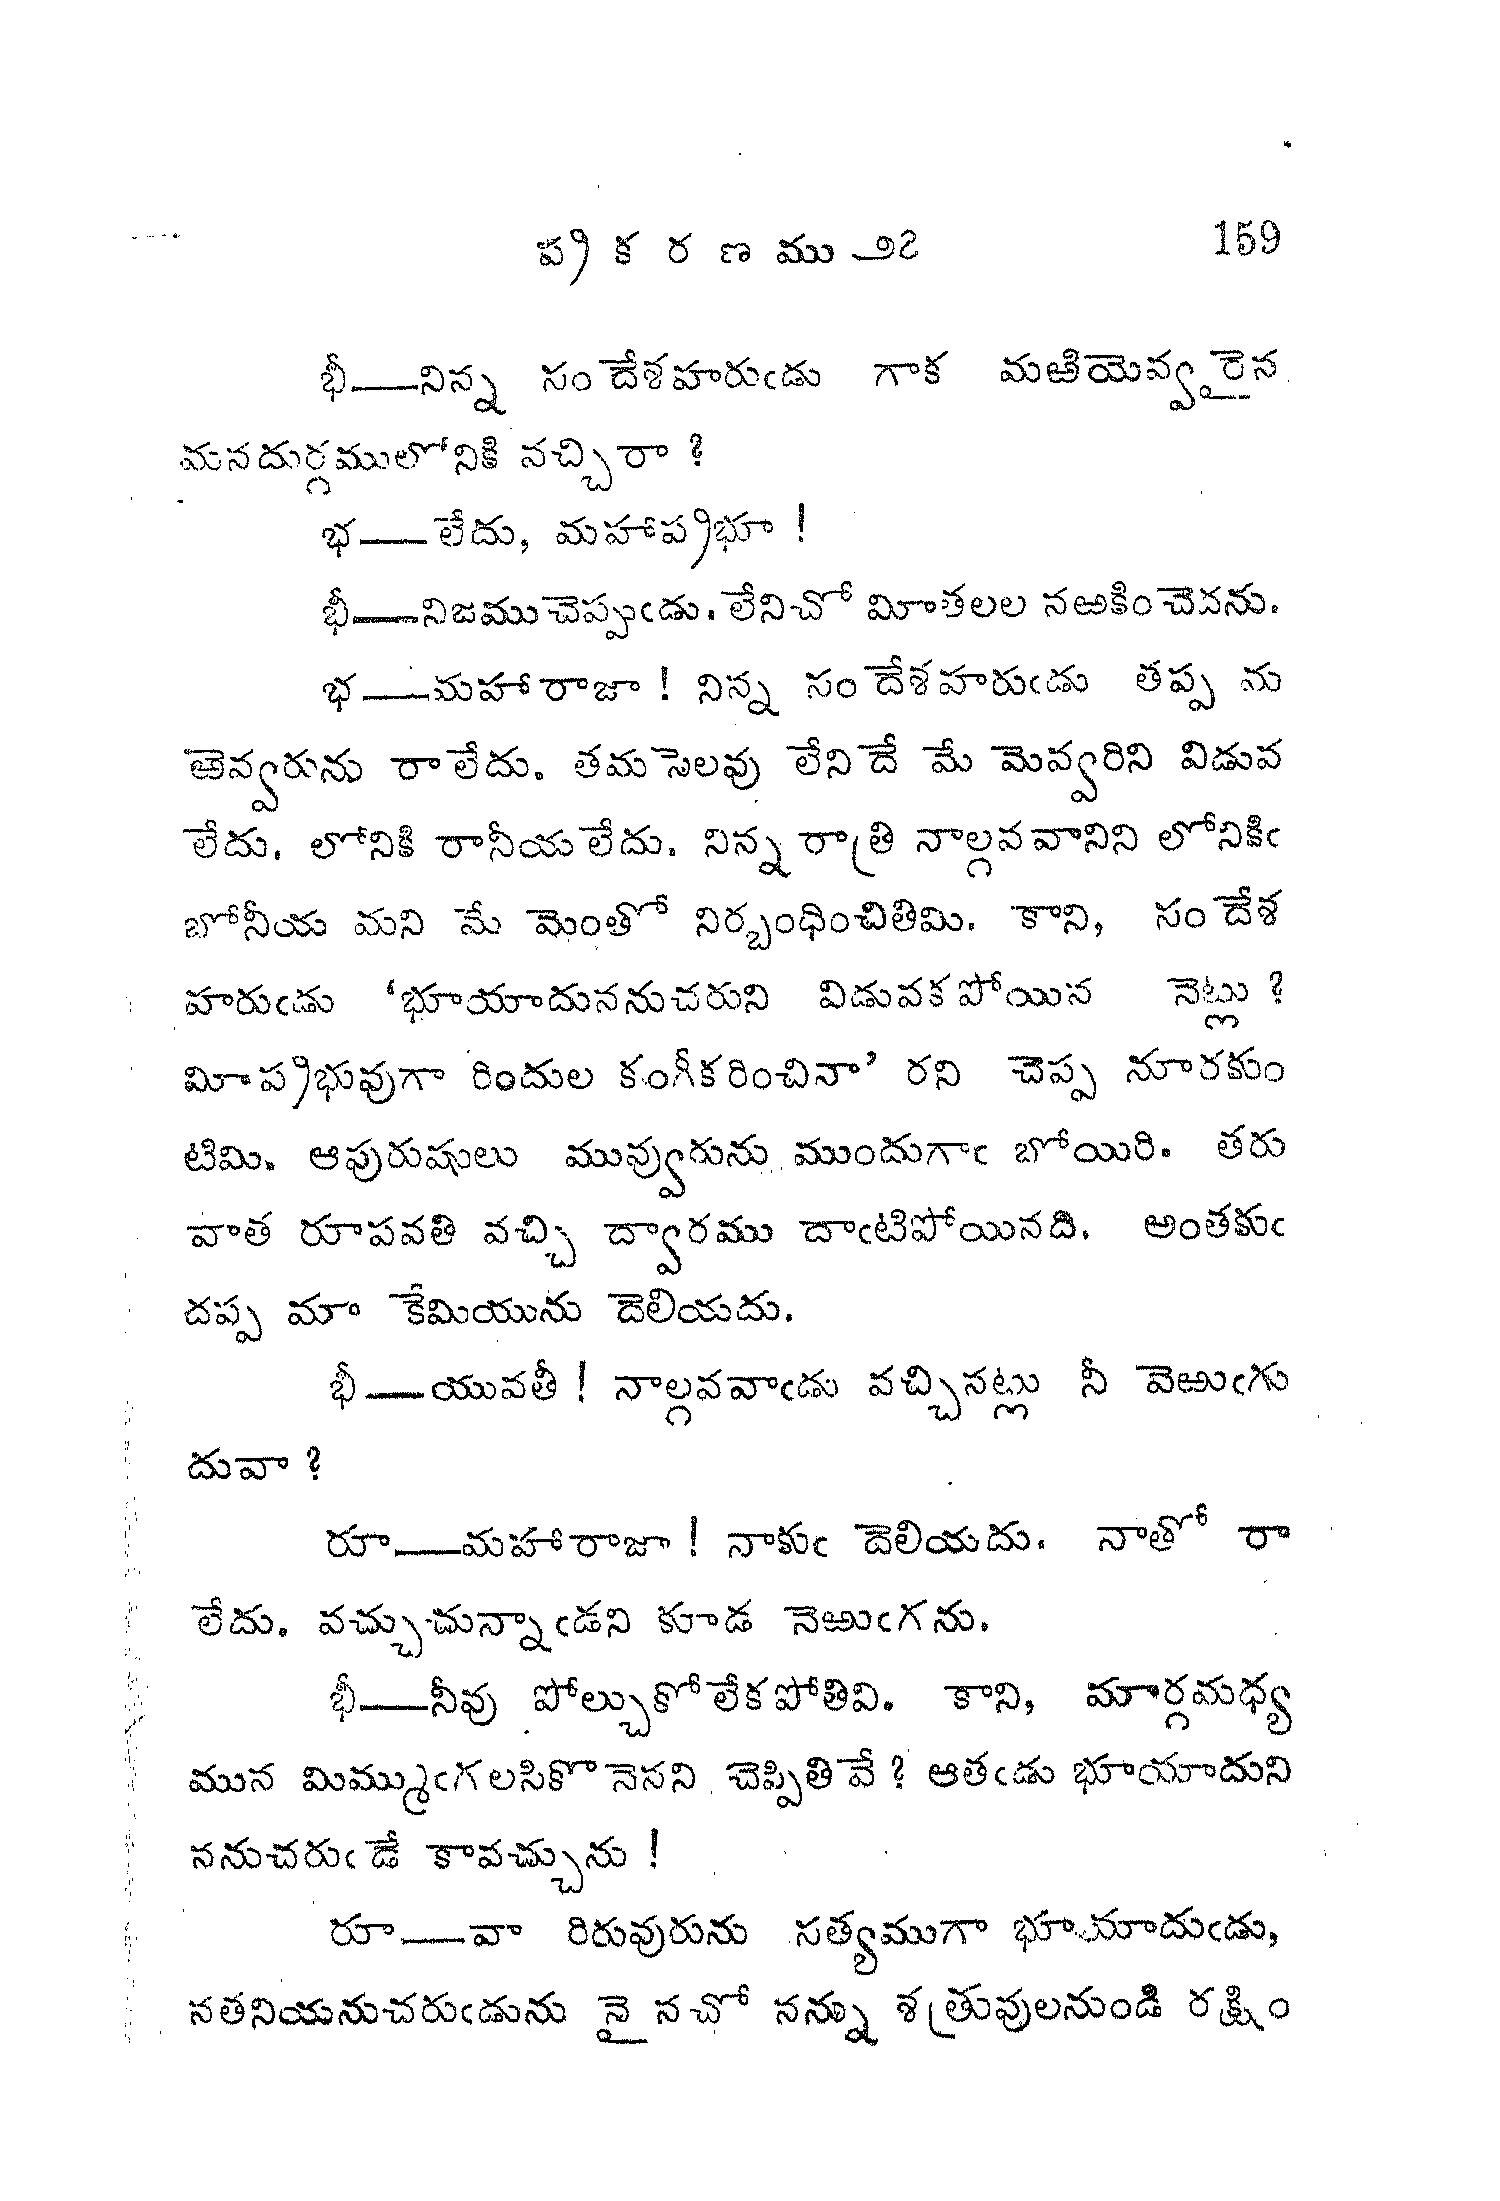భీ: నిన్న సం దేశహరుఁడు గాక మఱియెవ్వ రైన మనదుర్గములోనికి నచ్చిరా ?

భ" లేదు, మహాప్రభూ !

భీ: నిజము చెప్పుఁడు. లేనిచో మీతలల నజకిం చెదను.

భ: -మహా రాజా ! నిన్న సం దేశహరుఁడు తప్ప మ రెవ్వరును రాలేదు. తమ సెలవు లేని దే మే మెవ్వరిని విడువలేదు. లోనికిరానీయ లేదు. నిన్న రాత్రి నాల్గవ వానిని లోనికి
బోనీయ మని మే మెంతో నిర్బంధించితిమి. "కాని,సం దేశహరుఁడు 'భూయాదుననుచరుని విడువక పోయినమాప్రభువుగా రిందుల కంగీకరించినా ' రని చెప్ప నూరకుం
టీమి. ఆ పురుషులు మున్వురును ముందుగాఁ బోయిరి. తరువాత రూపవతి వచ్చి ద్వారము దాఁటిపోయినది, అంతకుఁ
దప్ప మా కేమియును దెలియదు.

భీ: - యువతీ ! నాల్గవ వాడు వచ్చినట్లు నీ వెఱుఁగుదువా

రూ: మహారాజా ! నాకుఁ దెలియదు. నాతోరాలేదు. వచ్చుచున్నాఁడని కూడ నెఱుఁగను.

భీ: నీవు పోల్చుకో లేక పోతివి. కాని, మార్గమధ్యమున మిమ్ముఁగలసికొ నెనని చెప్పితి వే ? ఆతఁడు భూయాదుని ననుచరుఁ డే కావచ్చును !

రూ: వా రిరువురును సత్యముగా భూయాదుఁడు, నతనియనుచరుఁడును నైనచో నన్ను శత్రువులనుండి రక్షిం